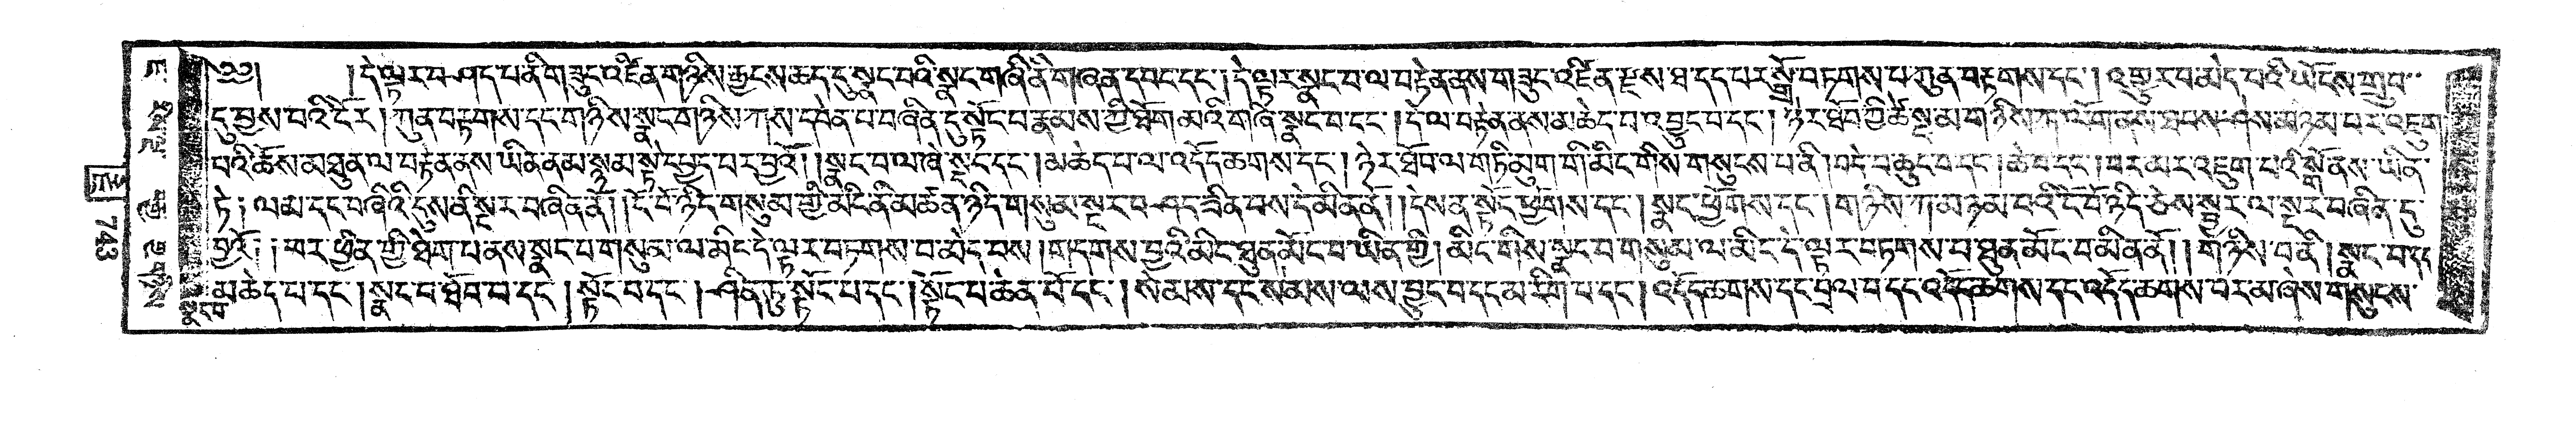༄༅། །དེ་ལྟར་བཤད་པ་ནི་གཟུང་འཛིན་གཉིས་རྒྱངས་ཆད་དུ་སྣང་བའི་སྣང་གཞི་ནི་གཞན་དབང་དང་། དེ་ལྟར་སྣང་བ་ལ་བརྟེན་ནས་གཟུང་འཛིན་རྫས་ཐ་དད་པར་སྒྲོ་བཏགས་པ་ཀུན་བརྟགས་དང་། འགྱུར་བ་མེད་པའི་ཡོངས་གྲུབ་
དུ་བྱས་པའི་ངོར། ཀུན་བརྟགས་དང་གཉིས་སྣང་གཉིས་ཀས་དབེན་པ་བཞིན་དུ་སྟོང་པ་རྣམས་ཀྱི་ཐོག་མའི་གཞི་སྣང་བ་དང་།དེ་ལ་བརྟེན་ནས་མཆེད་པ་འབྱུང་བ་དང་། ཉེར་ཐོབ་ཀྱི་ཚེ་སྔ་མ་གཉིས་ཀ་ལོག་ནས་ཐབས་ཤེས་མཉམ་པར་འཇུག་
པའི་ཆོས་མཐུན་ལ་བརྟེན་ནས་ཡིན་ནམ་སྙམ་སྟེ་དཔྱད་པར་བྱའོ། །སྣང་བ་ལ་ཞེ་སྡང་དང་། མཆེད་པ་ལ་འདོད་ཆགས་དང་། ཉར་ཐོབ་ལ་གཏི་མུག་གི་མིང་གིས་གསུངས་པ་ནི། བདེ་བ་ཆུང་བ་དང་། ཆེ་བ་དང་། བར་མར་འཇུག་པའི་སྒོ་ནས་ཡིན་
ཏེ། ལམ་དང་བཞིའི་དུས་ནི་སྔར་བཞིན་ནོ། །ངོ་བོ་ཉིད་གསུམ་གྱི་མིང་ནི་མཚན་ཉིད་གསུམ་སྔར་བཤད་ཟིན་པས་དེ་མིན་ནོ། །དེས་ན་སྟོང་ཕྱོགས་དང་། སྣང་ཕྱོགས་དང་། གཉིས་ཀ་མཉམ་པའི་ངོ་བོ་ཉིད་ཅེས་སྦྱར་ལ་སྔར་བཞིན་དུ་
བྱའོ། །ཕར་ཕྱིན་གྱི་ཐེག་པ་ནས་སྣང་བ་གསུམ་ལ་མིང་དེ་ལྟར་བཏགས་པ་མེད་པས། གདགས་བྱའི་མིང་ཐུན་མོང་བ་ཡིན་གྱི། མིང་གིས་སྣང་བ་གསུམ་ལ་མིང་དེ་ལྟར་བཏགས་པ་ཐུན་མོང་བ་མིན་ནོ། །གཉིས་པ་ནི། སྣང་བ་དང་
སྣང་བ་མཆེད་པ་དང་། སྣང་བ་ཐོབ་པ་དང་། སྟོང་པ་དང་། ཤིན་ཏུ་སྟོང་པ་དང་། སྟོང་པ་ཆེན་པོ་དང་། སེམས་དང་སེམས་ལས་བྱུང་བ་དང་མ་རིག་པ་དང་། འདོད་ཆགས་དང་བྲལ་བ་དང་འདོད་ཆགས་དང་འདོད་ཆགས་པར་མ་ཞེས་གསུངས་